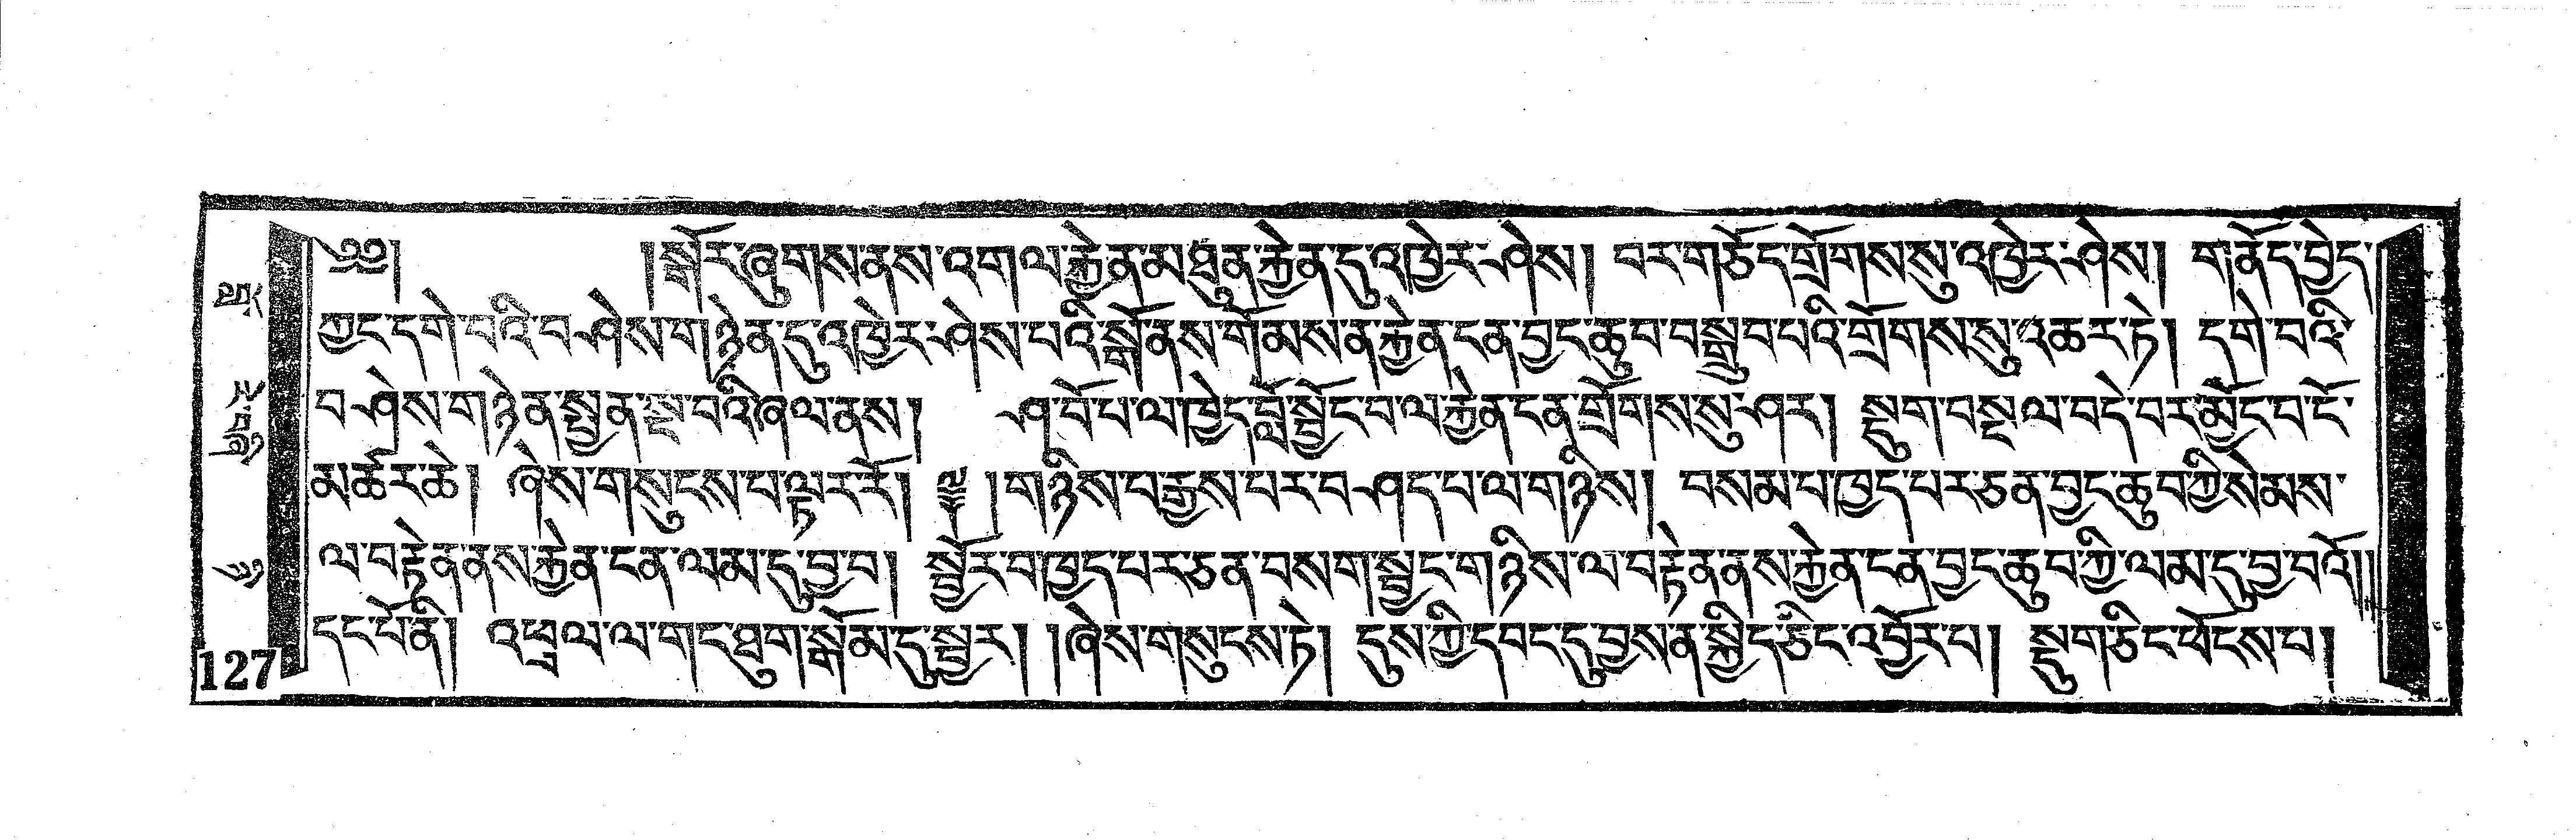༄༅། །སྒོར་ཞུགས་ནས་འགལ་རྐྱེན་མཐུན་རྐྱེན་དུ་འཁྱེར་ཤེས། བར་གཅོད་གྲོགས་སུ་འཁྱེར་ཤེས། གནོད་བྱེད་
ཀྱང་དགེ་བའི་བཤེས་གཉེན་དུ་འཁྱེར་ཤེས་པའི་སྒོ་ནས་གོམས་ན་རྐྱེན་ངན་བྱང་ཆུབ་བསྒྲུབ་པའི་གྲོགས་སུ་འཆར་ཏེ། དགེ་བའི་
བཤེས་གཉེན་སྤྱན་སྔ་བའི་ཞལ་ནས། ཤ་བོ་པ་ལ་ཁྱེད་བློ་སྦྱོང་བ་ལ་རྐྱེན་ངན་གྲོགས་སུ་ཤར། སྡུག་བསྔལ་བདེ་བར་མྱོང་བ་ངོ་
མཚར་ཆེ། ཞེས་གསུངས་པ་ལྟར་རོ། ༈ །གཉིས་པ་རྒྱས་པར་བཤད་པ་ལ་གཉིས། བསམ་པ་ཁྱད་པར་ཅན་བྱང་ཆུབ་ཀྱི་སེམས་
ལ་བརྟེན་ནས་རྐྱེན་ངན་ལམ་དུ་བྱ་བ། སྦྱོར་བ་ཁྱད་པར་ཅན་བསག་སྦྱང་གཉིས་ལ་བརྟེན་ནས་རྐྱེན་ངན་བྱང་ཆུབ་ཀྱི་ལམ་དུ་བྱ་བའོ། །
དང་པོ་ནི། འཕྲལ་ལ་གང་ཐུག་སྒོམ་དུ་སྦྱར། །ཞེས་གསུངས་ཏེ། དུས་ཀྱི་དབང་དུ་བྱས་ན་སྐྱིད་ཅིང་འབྱོར་པ། སྡུག་ཅིང་ཕོངས་པ།